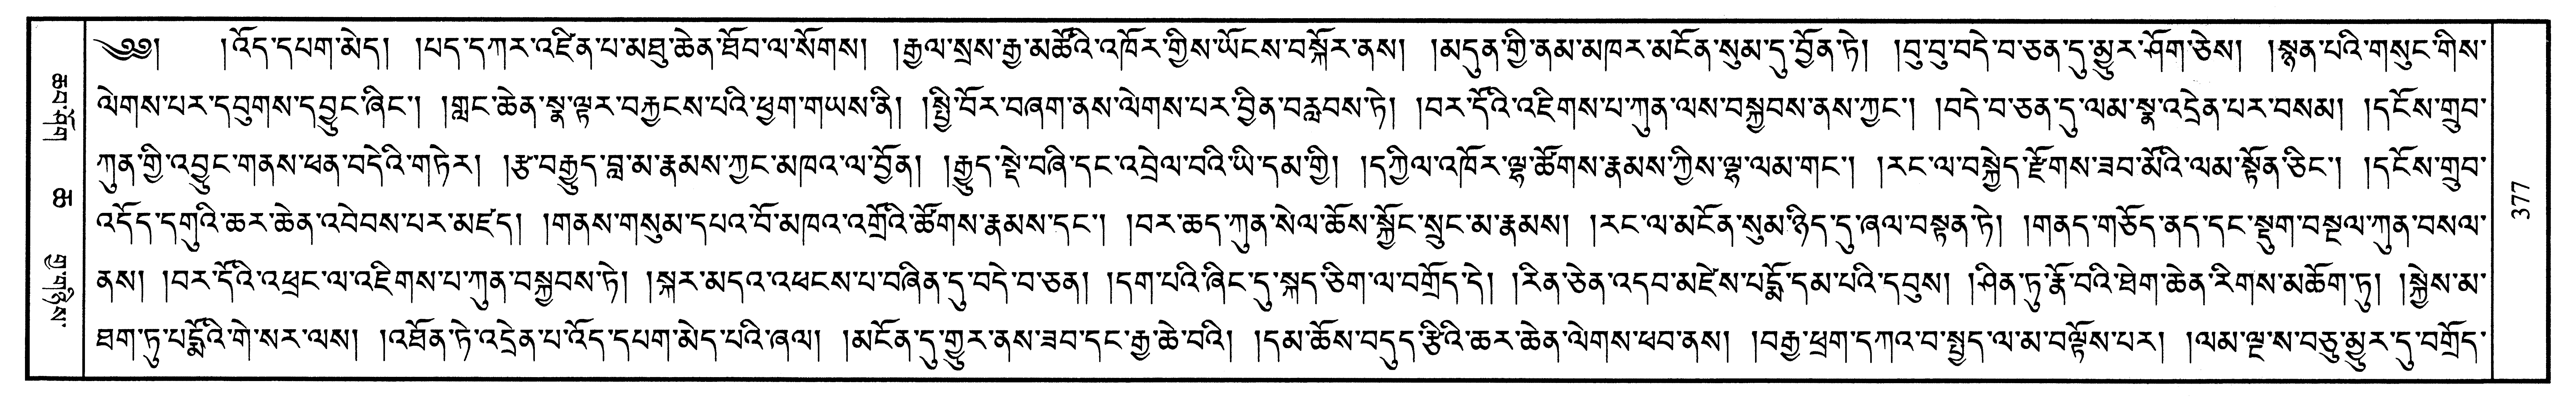༄༅། །འོད་དཔག་མེད། །པད་དཀར་འཛིན་པ་མཐུ་ཆེན་ཐོབ་ལ་སོགས། །རྒྱལ་སྲས་རྒྱ་མཚོའི་འཁོར་གྱིས་ཡོངས་བསྐོར་ནས། །མདུན་གྱི་ནམ་མཁར་མངོན་སུམ་དུ་བྱོན་ཏེ། །བུ་བུ་བདེ་བ་ཅན་དུ་མྱུར་ཤོག་ཅེས། །སྙན་པའི་གསུང་གིས་
ལེགས་པར་དབུགས་དབྱུང་ཞིང་། །གླང་ཆེན་སྣ་ལྟར་བརྐྱངས་པའི་ཕྱག་གཡས་ནི། །སྤྱི་བོར་བཞག་ནས་ལེགས་པར་བྱིན་བརླབས་ཏེ། །བར་དོའི་འཇིགས་པ་ཀུན་ལས་བསྐྱབས་ནས་ཀྱང་། །བདེ་བ་ཅན་དུ་ལམ་སྣ་འདྲེན་པར་བསམ། །དངོས་གྲུབ་
ཀུན་གྱི་འབྱུང་གནས་ཕན་བདེའི་གཏེར། །རྩ་བརྒྱུད་བླ་མ་རྣམས་ཀྱང་མཁའ་ལ་བྱོན། །རྒྱུད་སྡེ་བཞི་དང་འབྲེལ་བའི་ཡི་དམ་གྱི། །དཀྱིལ་འཁོར་ལྷ་ཚོགས་རྣམས་ཀྱིས་ལྷ་ལམ་གང་། །རང་ལ་བསྐྱེད་རྫོགས་ཟབ་མོའི་ལམ་སྟོན་ཅིང་། །དངོས་གྲུབ་
འདོད་དགུའི་ཆར་ཆེན་འབེབས་པར་མཛད། །གནས་གསུམ་དཔའ་བོ་མཁའ་འགྲོའི་ཚོགས་རྣམས་དང་། །བར་ཆད་ཀུན་སེལ་ཆོས་སྐྱོང་སྲུང་མ་རྣམས། །རང་ལ་མངོན་སུམ་ཉིད་དུ་ཞལ་བསྟན་ཏེ། །གནད་གཅོད་ནད་དང་སྡུག་བསྔལ་ཀུན་བསལ་
ནས། །བར་དོའི་འཕྲང་ལ་འཇིགས་པ་ཀུན་བསྐྱབས་ཏེ། །སྐར་མདའ་འཕངས་པ་བཞིན་དུ་བདེ་བ་ཅན། །དག་པའི་ཞིང་དུ་སྐད་ཅིག་ལ་བགྲོད་དེ། །རིན་ཅེན་འདབ་མཛེས་པདམོ་དམ་པའི་དབུས། །ཤིན་ཏུ་རྣོ་བའི་ཐེག་ཆེན་རིགས་མཆོག་ཏུ། །སྐྱེས་མ་
ཐག་ཏུ་པདམོའི་གེ་སར་ལས། །འཐོན་ཏེ་འདྲེན་པ་འོད་དཔག་མེད་པའི་ཞལ། །མངོན་དུ་གྱུར་ནས་ཟབ་དང་རྒྱ་ཆེ་བའི། །དམ་ཆོས་བདུད་རྩིའི་ཆར་ཆེན་ལེགས་ཕབ་ནས། །བརྒྱ་ཕྲག་དཀའ་བ་སྤྱད་ལ་མ་བལྟོས་པར། །ལམ་ལྔ་ས་བཅུ་མྱུར་དུ་བགྲོད་